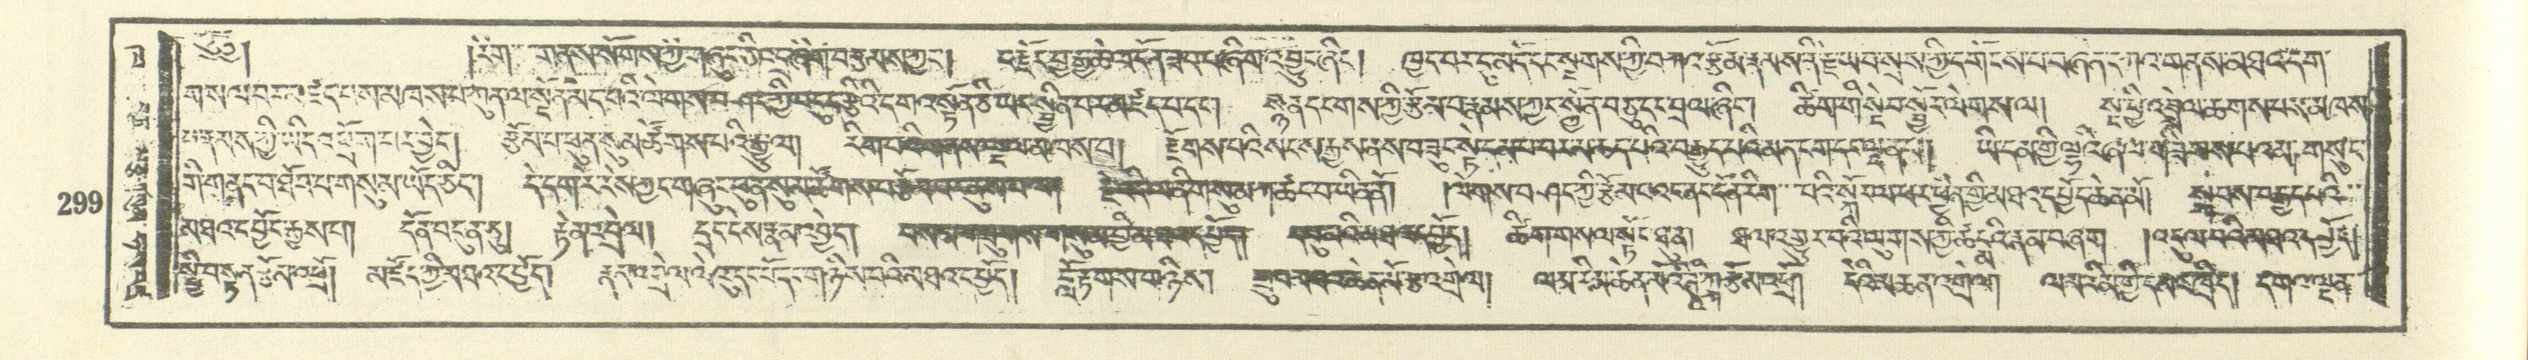༄༅། །རིག་གནས་སོགས་ཀྱི་གཞུང་ཅི་འདྲ་ཞིག་བརྩམས་ཀྱང་། བརྗོད་བྱ་རྒྱ་ཆེ་ལ་དོན་ཟབ་བཞིས་འབྱུང་ཞིང་། ཁྱད་པར་དུ་མདོ་དང་སྔགས་ཀྱི་བཀའ་རྩོམ་རྣམས་ནི་རྗེ་ཡབ་སྲས་ཀྱི་དགོངས་པ་བཞིན་དཀའ་གནས་མཐའ་དག་
གསལ་བར་མཛད་པས་མཁས་པ་ཀུན་ལ་སྔོན་མང་པའི་ལེགས་བཤད་ཀྱི་བདུད་རྩིའི་དགའ་སྟོན་ཅི་ཡང་སྦྱིན་པར་མཛད་པ་དང་། སྙན་དང་གས་ཀྱི་རྩོམ་པ་རྣམས་ཀྱང་སྐྱོན་བཅུ་དང་བྲལ་ཞིང་། ཚིག་གི་སྡེ་བ་སྦྱོར་ལེགས་ལ། སྔ་ཕྱི་འབྲེལ་ཆགས་པས་མཁས་
བ་རྣམས་ཀྱི་ཡིད་འཕྲོག་པར་བྱེད། རྩོམ་པ་ཕུན་སུམ་ཚོགས་པའི་རྒྱུལ། རིག་པའི་གནས་ལྔ་ལ་མཁས་པ། རྫོགས་པའི་སངས་རྒྱས་ནས་བཟུང་སྟེ་དམ་པ་བར་མ་ཆད་པའི་བརྒྱུད་པའི་མན་ངག་དང་ལྡན་པ། ཡི་དམ་གྱི་ལྷའི་ཞལ་གཟིགས་པའམ། གསུང་
གི་གནང་པ་ཐོབ་པ་གསུམ་ཡོད་ཅིང་། དེ་དག་རེ་རེས་ཀྱང་གཞུང་ཕུན་སུམ་ཚོགས་པ་རྩོམ་པར་ཆུས་པ་ལ། རྗེ་འདི་ལ་ནི་གསུམ་ཀ་ཚང་བ་ཡིན་ནོ། །ལེགས་བཤད་ཀྱི་རྩོམ་པའང་ནང་དོན་རིག་པའི་སྐོར་ལ་ཕར་ཕྱིན་གྱི་མཐའ་དཔྱོད་ཆེན་མོ། སྐབས་བརྒྱད་པའི་
མཐའ་དཔྱོད་རྒྱས་པ། དོན་བདུན་ཅུ། རྟེན་འབྲེལ། དྲང་ངེས་རྣམ་འབྱེད། བསམ་གཟུགས་གསུམ་གྱི་མཐའ་དཔྱོད། དབུ་མའི་མཐའ་དཔྱོད། ཆིག་གསལ་སྟོང་ཐུན། ཐལ་འགྱུར་པའི་ལུགས་ཀྱི་ཚདམའི་རྣམ་བཞག །འདུལ་བའི་མཐའ་དཔྱོད།
སྤྱི་བསྟན་ཅོམ་འཕྲོ། མཛོད་ཀྱི་མཐའ་དཔྱོད། རྣམ་འབྲེལ་ལེའུ?་དང་པོ་དང་གཉིས་པའི་མཐའ་དཔྱོད། བློ་རྟགས་གཉིས། གྲུབ་མཐའ་ཆེན་པོ་རྩ་འགྲེལ། ལམ་རིམ་ཆེན་མོའི་ཊཱ་ཀྐི་རྩོམ་འཕྲོ། དེའི་མཆན་འགྲེལ། ལམ་རིམ་གྱི་དམར་ཁྲིད། དགའ་ལྡན་